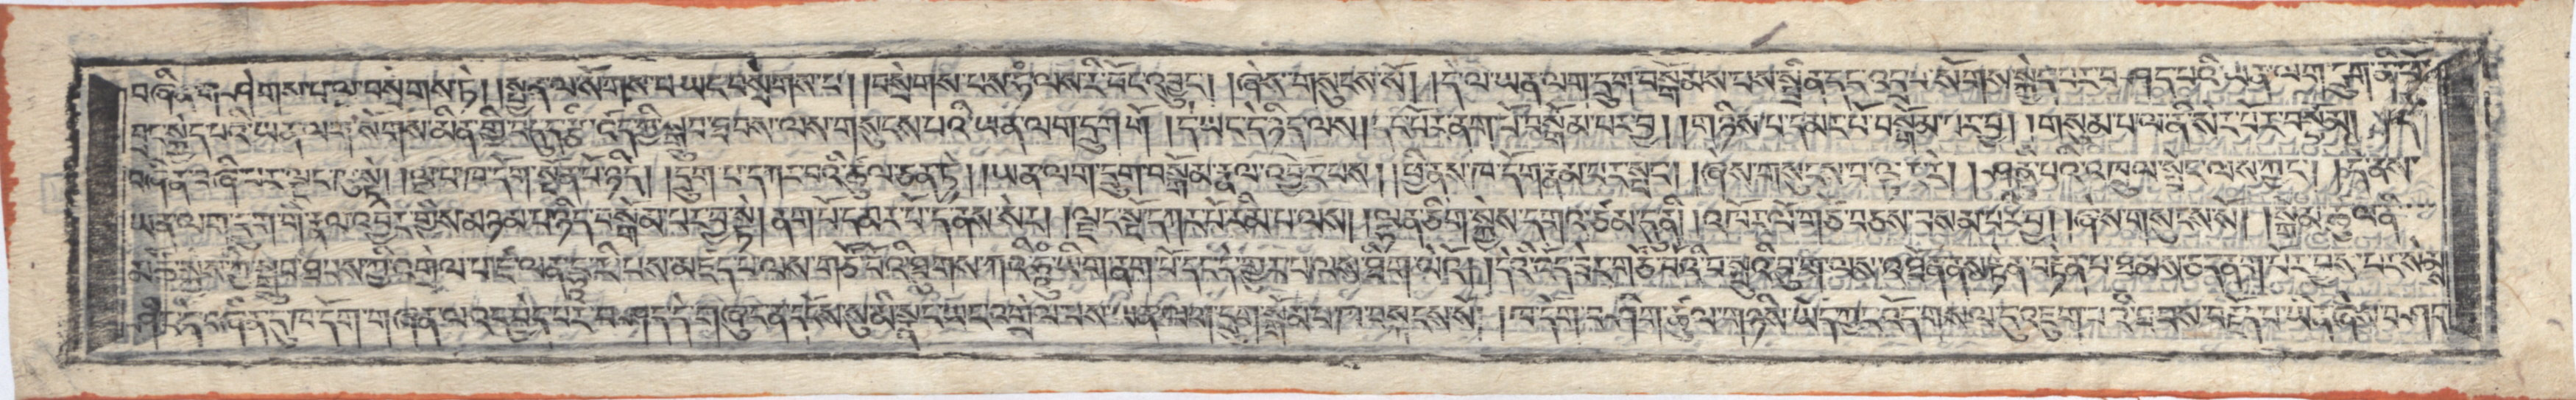བཞིན་གཤེགས་པ་ལྔ་བསྲེགས་ཏེ། །སྤྱན་ལ་སོགས་པ་ཡང་བསྲེགས་པ། །བསྲེགས་པས་ཧཾ་ལས་རི་བོང་འབྱུང་། །ཞེས་གསུངས་སོ། །དེ་ལ་ཡན་ལག་དྲུག་བསྒོམས་པས་སྤྲིན་དང་འདྲ་བ་སོགས་སྐྱེད་པར་བཤད་པའི་ཡན་ལག་དྲུག་ནི་ཕོ་
བྲང་སྐྱེད་པའི་ཡན་ལག་སོགས་མིན་གྱི་བདུད་རྩི་འོད་ཀྱི་སྒྲུབ་ཐབས་ལས་གསུངས་པའི་ཡན་ལག་དྲུག་གོ །དེ་ཡང་དེ་ཉིད་ལས། དང་པོར་ནག་པོ་བསྒོམ་པར་བྱ། །གཉིས་པ་དམར་པོ་བསྒོམ་པར་བྱ། །གསུམ་པ་ལ་ནི་སེར་པོར་བསྒོམ། །དེ་
བཞིན་བཞི་པར་ལྗང་ཁུ་སྟེ། །ལྔ་པ་ཁ་དོག་སྔོན་པོ་ཉིད། །དྲུག་པ་དཀར་བའི་ཚུལ་ཅན་ཏེ། །ཡན་ལག་དྲུག་བསྒོམ་རྣལ་འབྱོར་པས། །ཕྱི་ནས་ཁ་དོག་རྣམ་པར་སྤང་། །ཞེས་གསུངས་པ་ལྟར་རོ། །ཤཱནྟི་པའི་འཁྲུལ་སྤོང་ལས་ཀྱང་། །དེ་ནས་
ཡན་ལག་དྲུག་གི་རྣལ་འབྱོར་གྱིས་མཉམ་པ་ཉིད་བསྒོམ་པར་བྱ་སྟེ། ནག་པོ་དམར་པོ་དེ་ནས་སེར། །ལྗང་སྔོ་དཀར་པོ་རིམ་པ་ལས། །ལྷན་ཅིག་སྐྱེས་དགའ་ཙམ་དུ་ནི། །འཁོར་ལོ་གཙོ་བཅས་བསམ་པར་བྱ། །ཞེས་གསུངས་སོ། །སྒོམ་ཚུལ་ནི་
མཚོ་སྐྱེས་ཀྱི་སྒྲུབ་ཐབས་ཀྱི་འགྲེལ་པ་ཛ་ལན་དྷཱ་རི་པས་མཛད་པ་ལས་གཙོ་བོའི་ཐུགས་ཀའི་ཧཱུཾ་ཡིག་ནག་པོ་དང་དེ་གྱུར་པ་ལས་ཐིག་ལེའོ། །དེའི་འོད་ཟེར་གཙོ་བོའི་བ་སྤུའི་བུ་ག་ལས་འཐོན་ནས་རྟེན་བརྟེན་པ་ཐམས་ཅད་ནག་པོར་བྱས་པར་སེམས་
ཤིང་དེ་བཞིན་དུ་ཁ་དོག་གཞན་ལའང་བྱེད་པར་བཤད་དེ་གཞུང་ན་དངོས་སུ་མི་སྣང་ཡང་འགྲེལ་པས་ཡན་ལག་དྲུག་སྒོམ་པ་ཁ་བསྐངས་སོ། །ཁ་དོག་བཞིག་ཚུལ་གཉིས་ཡོད་ཀྱང་འོད་གསལ་དུ་འཇུག་པའི་ཐབས་བརྗོད་པ་ཡིན་ཞེས་བཤད་